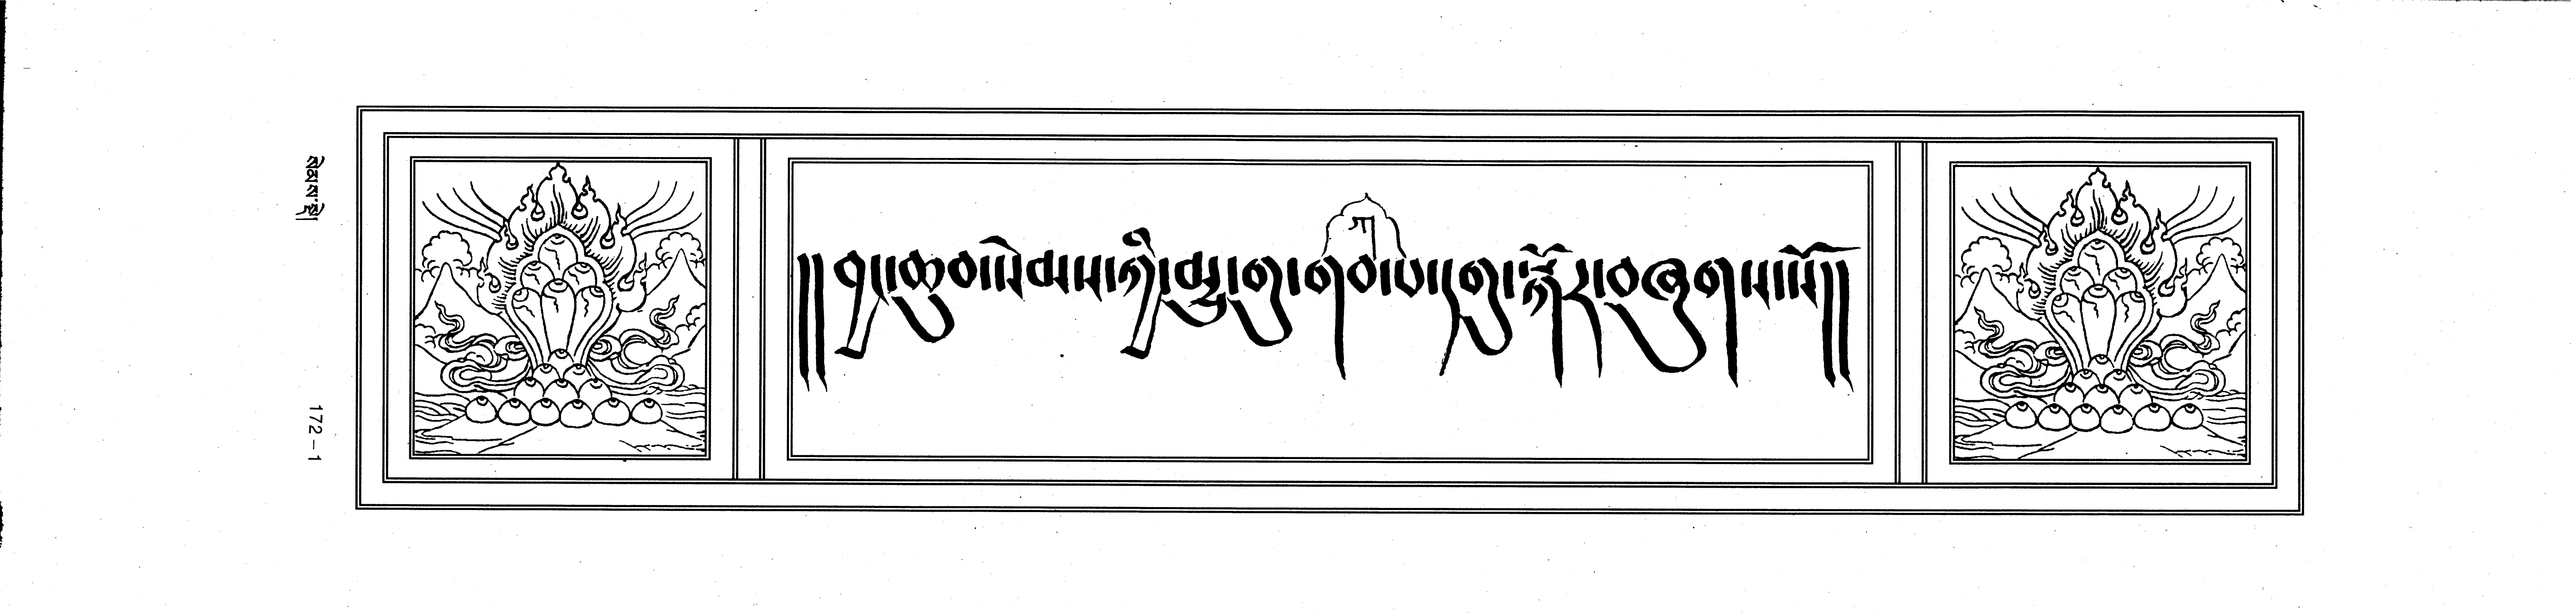།།བྱང་ཆུབ་སེམས་ཀྱི་མྱུ་གུ་གབ་པ་དགུ་སྐོར་བཞུགས་སོ། །